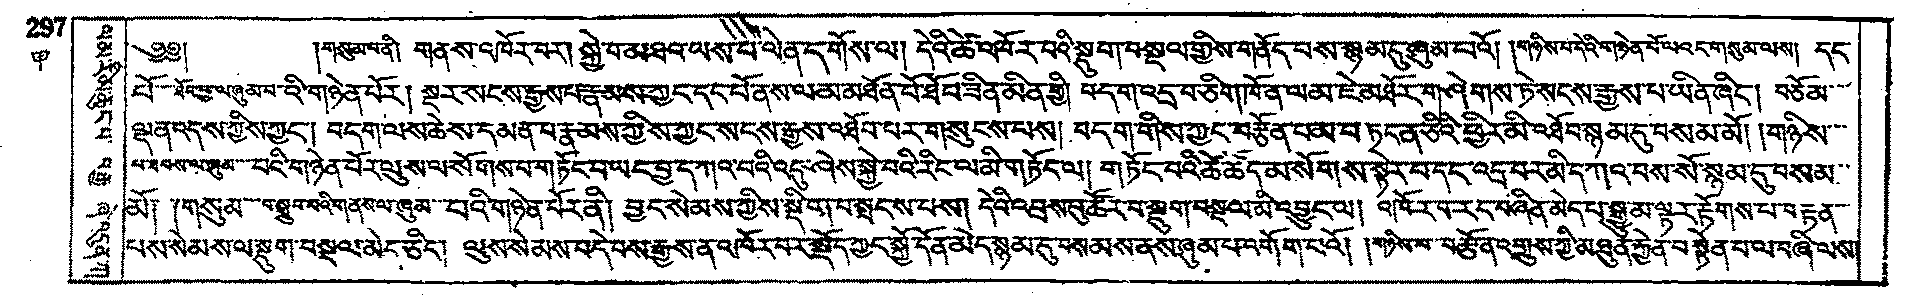༄༅། །གསུམ་པ་ནི།  གནས་འཁོར་བར། སྐྱེ་བ་མཐའ་ཡས་པ་ལེན་དགོས་ལ། དེའི་ཚེ་འཁོར་བའི་སྡུག་བསྔལ་གྱིས་གནོད་པས་སྙམ་དུ་ཞུམ་པའོ། །གཉིས་པ་དེའི་གཉེན་པོ་ལའང་གསུམ་ལས།  དང་
པོཐོབ་བྱ་ལ་ཞུམ་པའི་གཉེན་པོར། སྔར་སངས་རྒྱས་པ་རྣམས་ཀྱང་དང་པོ་ནས་ལམ་མཐོན་པོ་ཐོབ་ཟིན་མིན་གྱི། བདག་འདྲ་བ་ཅིག་ཁོ་ན་ལམ་ཇེ་མཐོར་གཤེགས་ཏེ་སངས་རྒྱས་པ་ཡིན་ཞིང་། བཅོམ་
ལྡན་འདས་ཀྱིས་ཀྱང་། བདག་ལས་ཆེས་དམན་པ་རྣམས་ཀྱིས་ཀྱང་སངས་རྒྱས་འཐོབ་པར་གསུངས་པས། བདག་གིས་ཀྱང་བརྩོན་པ་མ་བཏང་ན་ཅིའི་ཕྱིར་མི་འཐོབ་སྙམ་དུ་བསམ་མོ། །གཉིས་
པ་ཐབས་ལ་ཞུམ་པའི་གཉེན་པོར་ལུས་ལ་སོགས་པ་གཏོང་བ་ཡང་བྱ་དཀའ་བའི་འདུ་ཤེས་སྐྱེ་བའི་རིང་ལ་མི་གཏོང་ལ། གཏོང་བའི་ཚེ་ཚོད་མ་སོགས་སྟེར་བ་དང་འདྲ་བར་མི་དཀའ་བས་སོ་སྙམ་དུ་བསམ་
མོ༑ ༑གསུམཔ་སྒྲུབ་པའི་གནས་ལ་ཞུམ་པའི་གཉེན་པོར་ནི། བྱང་སེམས་ཀྱིས་སྡིག་པ་སྤངས་པས། དེའི་འབྲས་བུ་ཚོར་བ་སྡུག་བསྔལ་མི་འབྱུང་ལ། འཁོར་བ་རང་བཞིན་མེད་པ་སྒྱུ་མ་ལྟར་རྟོགས་པ་བརྟན་
པས་སེམས་ལ་སྡུག་བསྔལ་མེད་ཅིང་། ལུས་སེམས་བདེ་བས་རྒྱས་ན་འཁོར་བར་སྡོད་ཀྱང་སྐྱོ་དོན་མེད་སྙམ་དུ་བསམས་ནས་ཞུམ་པ་འགོག་པའོ། །གཉིས་པ་བརྩོན་འགྲུས་ཀྱི་མཐུན་རྐྱེན་བསྟེན་པ་ལ་བཞི་ལས་